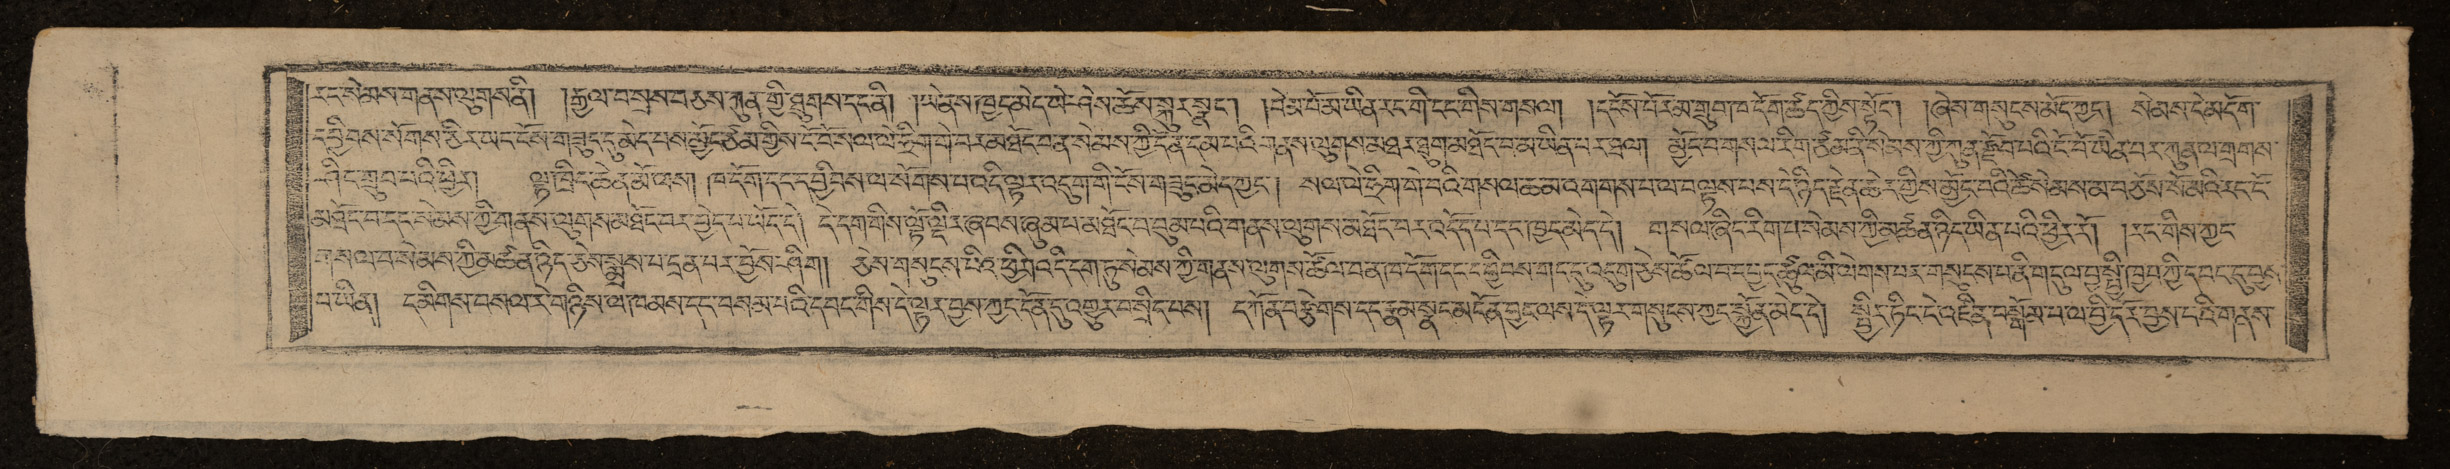རང་སེམས་གནས་ལུགས་ནི། །རྒྱལ་བསྲས་བཅས་ཀུན་གྱི་ཐུགས་དང་ནི། །ཡེ་ནས་ཁྱད་མེད་ཡེ་ཤེས་ཆོས་སྐུར་སྣང་། །བེམ་པོ་མ་ཡིན་རང་གི་དང་གིས་གསལ། །དངོས་པོར་མ་གྲུབ་ཁ་དོག་ཚད་ཀྱིས་སྟོང་། །ཞེས་གསུངས་མོད་ཀྱང་། སེམས་དེ་མདོག་
དབྱིབས་སོགས་ཅིར་ཡང་ངོས་གཟུང་དུ་མེད་པས་མྱོང་ཙམ་གྱིས་ངོ་བོས་ལ་ལེ་ཧྲིག་གེ་བར་མཐོང་བ་ན་སེམས་ཀྱི་དོན་དམ་པའི་གནས་ལུགས་མཐར་ཐུག་མཐོང་བ་མ་ཡིན་པར་ཐལ། མྱོང་བ་གསལ་རིག་ཙམ་ནི་སེམས་ཀྱི་ཀུན་རྫོབ་པའི་ངོ་བོ་ཡིན་པར་ཀུན་ལ་གྲགས་
ཤིང་གྲུབ་བའི་ཕྱིར། ལྟ་ཁྲིད་ཚིན་མོ་ལས། ཁ་དོག་དང་དབྱིབས་ལ་སོགས་པ་འདི་ལྟར་འདུག་གི་ངོས་གཟུང་མེད་ཀྱང་། སལ་ལེ་ཧྲིག་གེ་བའི་གསལ་ཆ་མ་འགགས་པ་ལ་བལྟས་པས་དེ་ཉིད་རྗེན་ཆེར་གྱིས་མྱོང་བའི་ཚེ་སེམས་མ་བཅོས་སོ་མའི་རང་ངོ་
མཐོང་བ་དང་སེམས་ཀྱི་གནས་ལུགས་མཐོང་བར་བྱེད་པ་ཡོད་དེ། དེ་དག་གིས་ལྟོ་ལྡིར་ཞབས་ཞུམ་པ་མཐོང་བ་བུམ་པའི་གནས་ལུགས་མཐོང་བར་འདོད་པ་དང་ཁྱད་མེད་དེ། གསལ་ཞིང་རིག་པ་སེམས་ཀྱི་མཚན་ཉིད་ཡིན་པའི་ཕྱིར་རོ། །རང་གིས་ཀྱང་
གསལ་བ་སེམས་ཀྱི་མཚན་ཉིད་ཅེས་སྨྲས་པ་དྲན་པར་བྱོས་ཤིག། ཅེས་གསུངས་པའི་ཕྱིར་འདི་དག་ཏུ་སེམས་ཀྱི་གནས་ལུགས་ཚོལ་བ་ན་ཁ་དོག་དང་དབྱིབས་གང་དུ་འདུག་ཅེས་ཚོལ་བ་དཔྱད་ཚུལ་མི་ལེགས་པར་གསུངས་པ་ནི་གདུལ་བྱ་སྤྱི་ཁྱབ་ཀྱི་དབང་དུ་བྱས་
པ་ཡིན། དམིགས་བསལ་རེ་གཉིས་ལ་ཁམས་དང་བསམ་པའི་དབང་གིས་དེ་ལྟར་བྱས་ཀྱང་དོན་དུ་འགྱུར་བ་སྲིད་པས། དཀོན་བརྩེགས་དང་རྣམ་སྣང་མངོན་བྱང་ལས་དེ་ལྟར་གསུངས་ཀྱང་སྐྱོན་མེད་དེ། སྤྱིར་ཏིང་ངེ་འཛིན་བསྒོམ་པ་ལ་བྱི་དོར་བྱས་པའི་གནས་